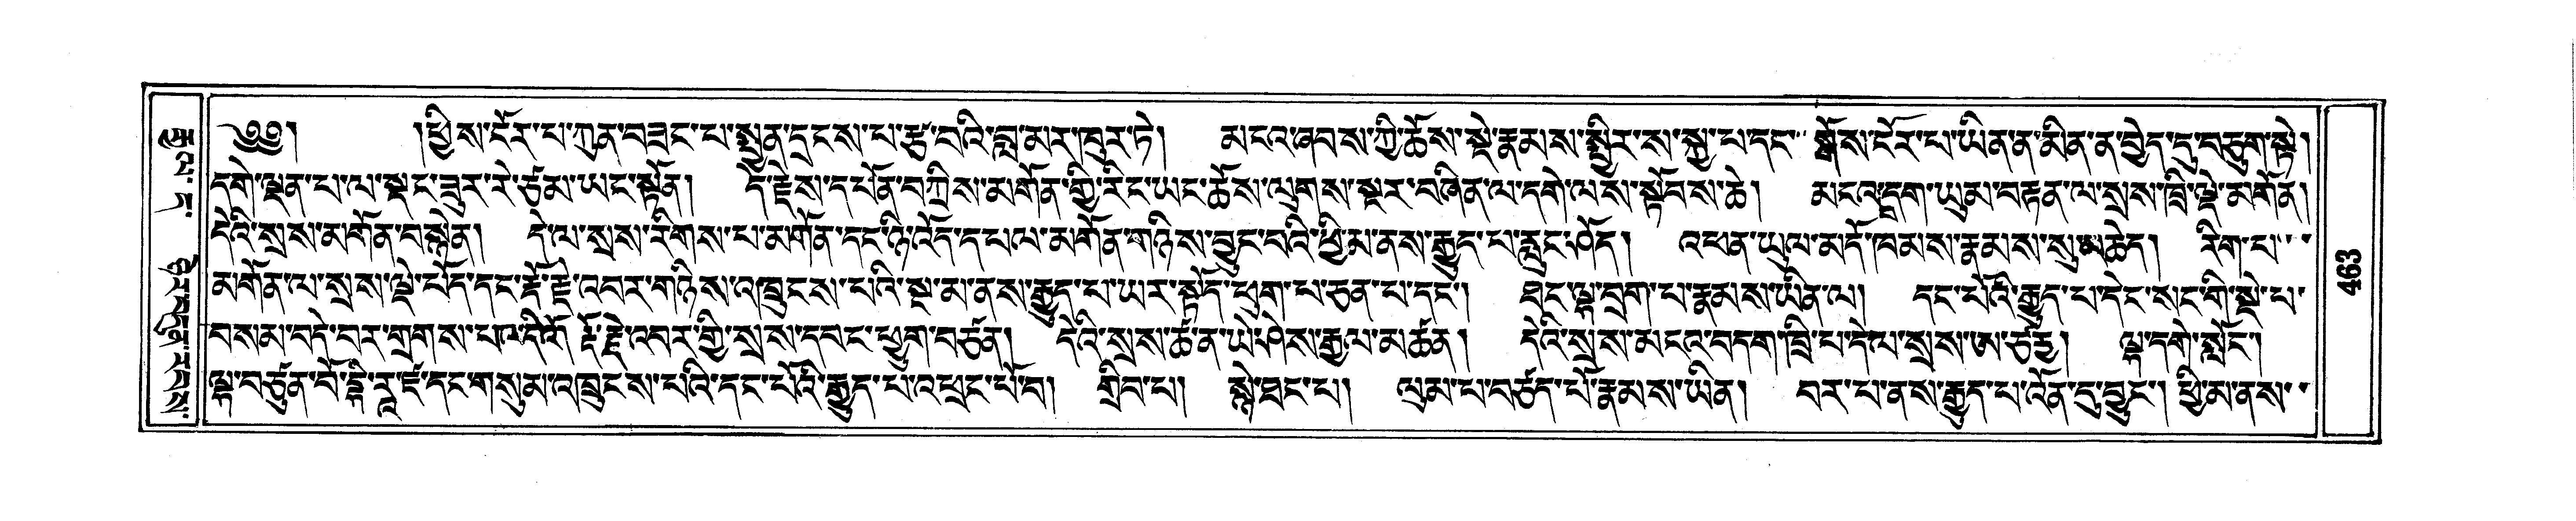༄༅། །ཕྱིས་ངོར་པ་ཀུན་བཟང་པ་སྤྱན་དྲངས་པ་རྩ་བའི་བླ་མར་ཁུར་ཏེ། མངའ་ཞབས་ཀྱི་ཆོས་སྡེ་རྣམས་སྤྱིར་ས་སྐྱ་པ་དང་སྒོས་ངོར་པ་ཡིན་ན་མིན་ན་བྱེད་དུ་བཅུག་སྟེ།
དགེ་ལྡན་པ་ལ་སྡང་ཟུར་རེ་ཙམ་ཡང་སྟོན། དེ་རྗེས་དཔོན་བཀྲིས་མགོན་གྱི་རིང་ཡང་ཆོས་ལུགས་སྔར་བཞིན་ལ་དགེ་ལས་སྟོབས་ཆེ། མངའ་བདག་ཡུམ་བརྟན་ལ་སྲས་ཁྲི་ལྡེ་མགོན།
དེའི་སྲས་མགོན་བསྙེན། དེ་ལ་སྲས་རིགས་པ་མགོན་དང་ཉི་འོད་དཔལ་མགོན་གཉིས་བྱུང་བའི་ཕྱི་མ་ནས་རྒྱུད་པ་རླུང་ཤོད། འཕན་ཡུལ་མདོ་ཁམས་རྣམས་སུ་མཆེད། རིག་པ་
མགོན་ལ་སྲས་ལྡེ་པོད་དང་རྡོ་རྗེ་འབར་གཉིས་འཁྲུངས་པའི་སྔ་མ་ནས་རྒྱུད་པ་ཡར་སྟོད་ཕུག་པ་ཅན་པ་དང་། ཐང་ལྷ་བྲག་པ་རྣམས་ཡིན་ལ། དང་པོའི་རྒྱུད་པ་དེང་སང་གི་སྡེ་པ་
བསམ་བདེ་བར་གྲགས་པའ་དིའོ། རྡོ་རྗེ་འབར་གྱི་སྲས་དབང་ཕྱུག་བཙན། དེའི་སྲས་ཚ་ན་ཡེ་ཤེས་རྒྱལ་མཚན། དེའི་སྲས་མངའ་བདག་ཁྲི་པ་དེ་ལ་སྲས་ཨ་ཙརྱ། ལྷ་དགེ་སློང་།
ལྷ་བཙུན་བོ་དྷི་རཱ་ཛ་དང་གསུམ་འཁྲུངས་པའི་དང་པོའི་རྒྱུད་པ་འཕྲང་པོ་བ། གྲིབ་པ། སྙེ་ཐང་པ། ལུམ་པ་བཙད་པོ་རྣམས་ཡིན། བར་པ་ནས་རྒྱུད་པ་འོན་དུ་བྱུང་། ཕྱི་མ་ནས་